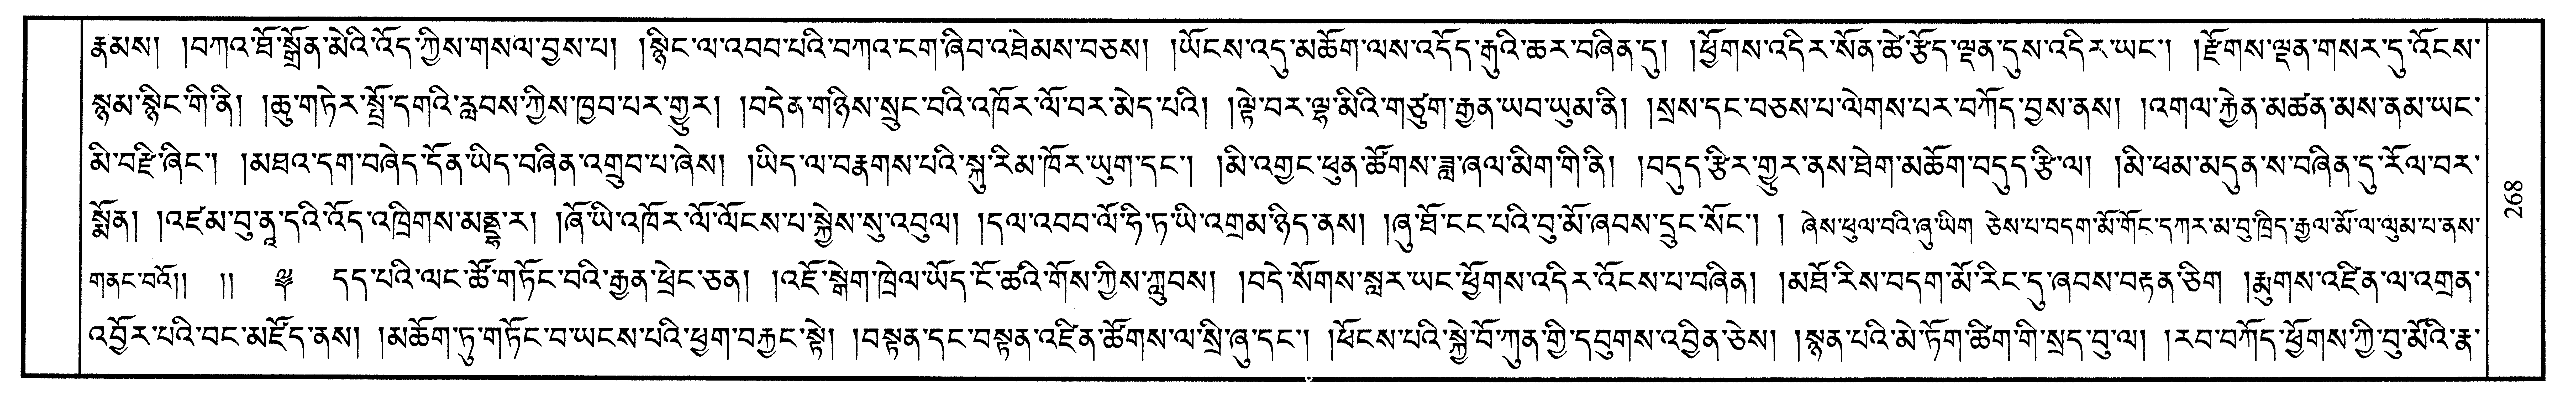རྣམས། །བཀའ་ཐོ་སྒྲོན་མེའི་འོད་ཀྱིས་གསལ་བྱས་པ། །སྙིང་ལ་འབབ་པའི་བཀའ་ངག་ཞིབ་འཐེམས་བཅས། །ཡོངས་འདུ་མཆོག་ལས་འདོད་རྒུའི་ཆར་བཞིན་དུ། །ཕྱོགས་འདིར་སོན་ཚེ་རྩོད་ལྡན་དུས་འདིར་ཡང་། །རྫོགས་ལྡན་གསར་དུ་འོངས་
སྙམ་སྙིང་གི་ནི། །ཆུ་གཏེར་སྤྲོ་དགའི་རླབས་ཀྱིས་ཁྱབ་པར་གྱུར། །བདེན་གཉིས་སྲུང་བའི་འཁོར་ལོ་བར་མེད་པའི། །ལྟེ་བར་ལྷ་མིའི་གཙུག་རྒྱན་ཡབ་ཡུམ་ནི། །སྲས་དང་བཅས་པ་ལེགས་པར་བཀོད་བྱས་ནས། །འགལ་རྐྱེན་མཚན་མས་ནམ་ཡང་
མི་བརྫི་ཞིང་། །མཐའ་དག་བཞེད་དོན་ཡིད་བཞིན་འགྲུབ་པ་ཞེས། །ཡིད་ལ་བརྣགས་པའི་སྐུ་རིམ་ཁོར་ཡུག་དང་། །མི་འགྱང་ཕུན་ཚོགས་ཟླ་ཞལ་མིག་གི་ནི། །བདུད་རྩིར་གྱུར་ནས་ཐེག་མཆོག་བདུད་རྩི་ལ། །མི་ཕམ་མདུན་ས་བཞིན་དུ་རོལ་བར་
སྨོན། །འཛམ་བུ་ནཱ་དའི་འོད་འཁྲིགས་མནྡྷ་ར། །ཞོ་ཡི་འཁོར་ལོ་ལོངས་པ་སྐྱེས་སུ་འབུལ། །དལ་འབབ་ལོ་ཧི་ཏ་ཡི་འགྲམ་ཉིད་ནས། །ཞུ་ཐོ་ངང་པའི་བུ་མོ་ཞབས་དྲུང་སོང་། །ཞེས་ཕུལ་བའི་ཞུ་ཡིག་ཅེས་པ་བདག་མོ་གོང་དཀར་མ་བུ་ཁྲིད་རྒྱལ་མོ་ལ་ལུམ་པ་ནས་
གནང་བའོ།། །། ༈ དད་པའི་ལང་ཚོ་གཏོང་བའི་རྒྱན་ཕྲེང་ཅན། །འཇོ་སྒེག་ཁྲེལ་ཡོད་ངོ་ཚའི་གོས་ཀྱིས་ཀླུབས། །བདེ་སོགས་སླར་ཡང་ཕྱོགས་འདིར་འོངས་པ་བཞིན། །མཐོ་རིས་བདག་མོ་རིང་དུ་ཞབས་བརྟན་ཅིག །རྨུགས་འཛིན་ལ་འགྲན་
འབྱོར་པའི་བང་མཛོད་ནས། །མཆོག་ཏུ་གཏོང་བ་ཡངས་པའི་ཕྱག་བརྐྱང་སྟེ། །བསྟན་དང་བསྟན་འཛིན་ཚོགས་ལ་སྲི་ཞུ་དང་། །ཕོངས་པའི་སྐྱེ་བོ་ཀུན་གྱི་དབུགས་འབྱིན་ཅེས། །སྙན་པའི་མེ་ཏོག་ཚིག་གི་སྲད་བུ་ལ། །རབ་བཀོད་ཕྱོགས་ཀྱི་བུ་མོའི་རྣ་